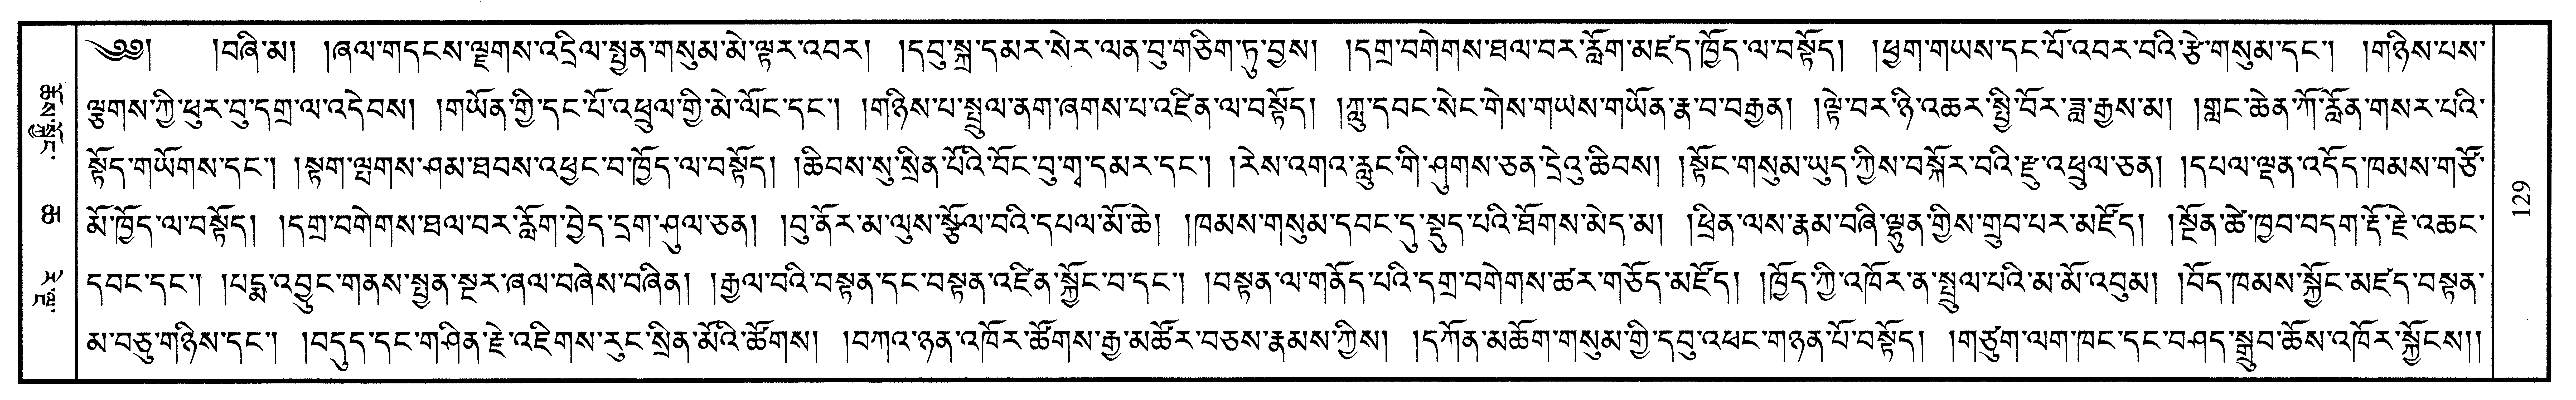༄༅། །བཞི་མ། །ཞལ་གདངས་ལྗགས་འདྲིལ་སྤྱན་གསུམ་མེ་ལྟར་འབར། །དབུ་སྐྲ་དམར་སེར་ལན་བུ་གཅིག་ཏུ་བྱས། །དགྲ་བགེགས་ཐལ་བར་རློག་མཛད་ཁྱོད་ལ་བསྟོད། །ཕྱག་གཡས་དང་པོ་འབར་བའི་རྩེ་གསུམ་དང་། །གཉིས་པས་
ལྕགས་ཀྱི་ཕུར་བུ་དགྲ་ལ་འདེབས། །གཡོན་གྱི་དང་པོ་འཕྲུལ་གྱི་མེ་ལོང་དང་། །གཉིས་པ་སྤྲུལ་ནག་ཞགས་པ་འཛིན་ལ་བསྟོད། །ཀླུ་དབང་སེང་གེས་གཡས་གཡོན་རྣ་བ་བརྒྱན། །ལྟེ་བར་ཉི་འཆར་སྤྱི་བོར་ཟླ་རྒྱས་མ། །གླང་ཆེན་ཀོ་རློན་གསར་པའི་
སྟོད་གཡོགས་དང་། །སྟག་ལྤགས་ཤམ་ཐབས་འཕྱང་བ་ཁྱོད་ལ་བསྟོད། །ཆིབས་སུ་སྲིན་པོའི་བོང་བུ་གྭ་དམར་དང་། །རེས་འགའ་རླུང་གི་ཤུགས་ཅན་དྲེའུ་ཆིབས། །སྟོང་གསུམ་ཡུད་ཀྱིས་བསྐོར་བའི་རྫུ་འཕྲུལ་ཅན། །དཔལ་ལྡན་འདོད་ཁམས་གཙོ་
མོ་ཁྱོད་ལ་བསྟོད། །དགྲ་བགེགས་ཐལ་བར་རློག་བྱེད་དྲག་ཤུལ་ཅན། །བུ་ནོར་མ་ལུས་སྩོལ་བའི་དཔལ་མོ་ཆེ། །ཁམས་གསུམ་དབང་དུ་སྡུད་པའི་ཐོགས་མེད་མ། །ཕྲིན་ལས་རྣམ་བཞི་ལྷུན་གྱིས་གྲུབ་པར་མཛོད། །སྔོན་ཚེ་ཁྱབ་བདག་རྡོ་རྗེ་འཆང་
དབང་དང་། །པདམ་འབྱུང་གནས་སྤྱན་སྔར་ཞལ་བཞེས་བཞིན། །རྒྱལ་བའི་བསྟན་དང་བསྟན་འཛིན་སྐྱོང་བ་དང་། །བསྟན་ལ་གནོད་པའི་དགྲ་བགེགས་ཚར་གཅོད་མཛོད། །ཁྱོད་ཀྱི་འཁོར་ན་སྤྲུལ་པའི་མ་མོ་འབུམ། །བོད་ཁམས་སྐྱོང་མཛད་བསྟན་
མ་བཅུ་གཉིས་དང་། །བདུད་དང་གཤིན་རྗེ་འཇིགས་རུང་སྲིན་མོའི་ཚོགས། །བཀའ་ཉན་འཁོར་ཚོགས་རྒྱ་མཚོར་བཅས་རྣམས་ཀྱིས། །དཀོན་མཆོག་གསུམ་གྱི་དབུ་འཕང་གཉན་པོ་བསྟོད། །གཙུག་ལག་ཁང་དང་བཤད་སྒྲུབ་ཆོས་འཁོར་སྐྱོངས།།